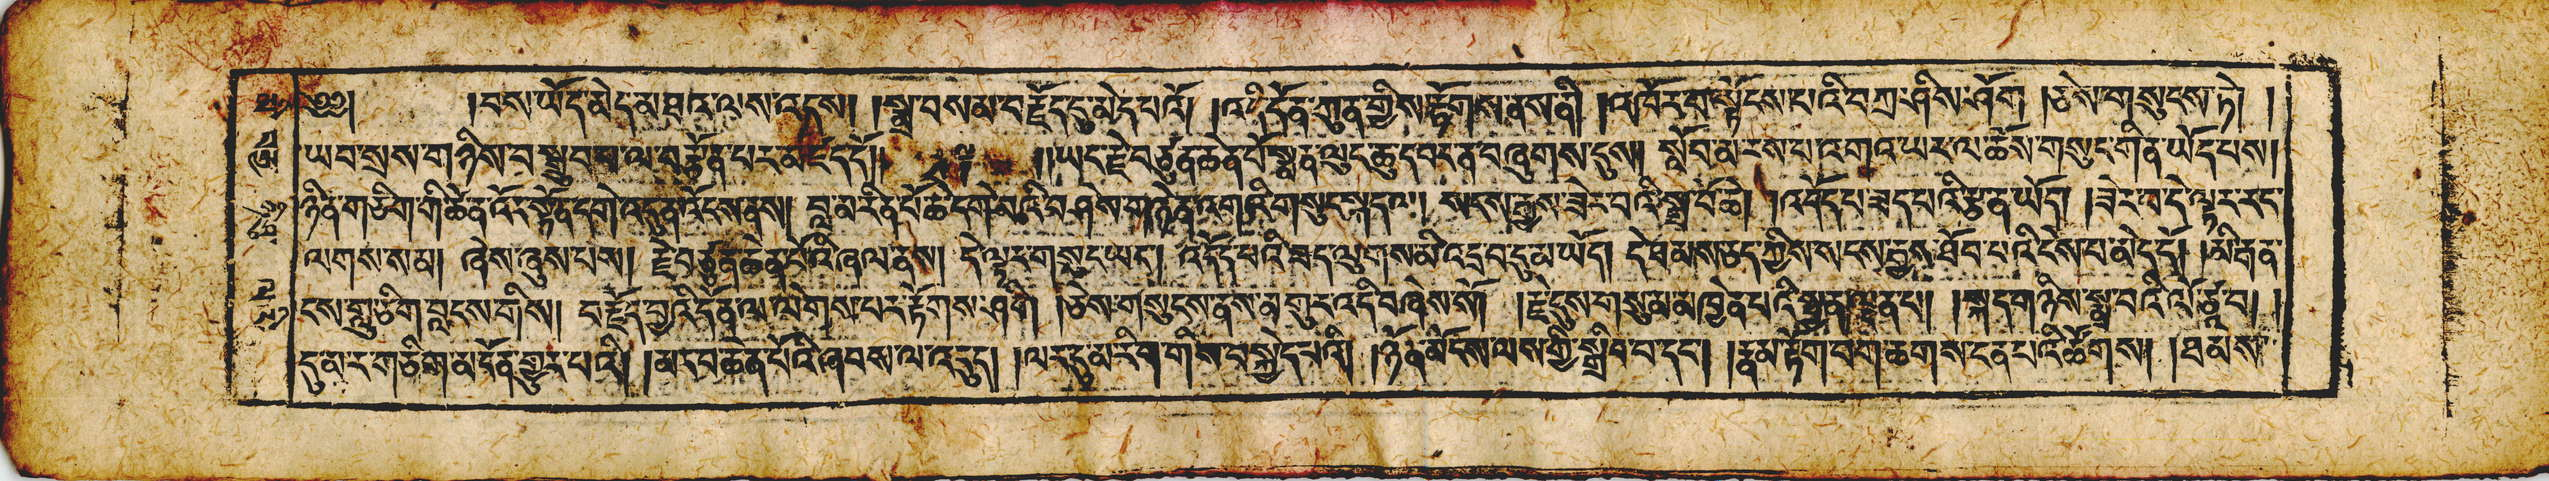བས་ཡོད་མེད་མཐའ་ལས་འདས། །སྨྲ་བསམ་བརྗོད་པ་མེད་པའོ། །འདི་དོན་ཀུན་གྱིས་རྟོགས་ནས་ནི། །འཁོར་བ་སྟོངས་པའི་བཀྲ་ཤིས་ཤོག །ཅེས་གསུངས་ཏེ། 
ཡབ་སྲས་གཉིས་བ་སྒྲུབ་པ་ལ་བརྩོན་པར་མཛད་དོ། །ཡང་རྗེ་བཙུན་ཆེན་པོ་སྨན་ལུང་ཆུ་དབར་ན་བཞུགས་དུས། སློབ་མ་རས་པ་འགའ་ཡར་ལ་ཆོས་གསུང་གིན་ཡོད་པས། །
ཉིན་གཅིག་གི་ཚེ་ན་འོར་སྟོན་དགེ་འདུན་འོངས་ནས། བླ་མ་རིན་པོ་ཆེ་དགེ་བའི་བཤེས་གཉེན་འགའ་རེ་གསུང་སྐད་ལ། སངས་རྒྱས་ཟེར་བའི་སྒྲ་བོ་ཆེ། །འདོད་པ་ཟད་པའི་རྩ་ན་ཡོད། །ཟེར་བ་དེ་ལྟར་རང་
ལགས་སམ། ཞེས་ཞུས་པས། རྗེ་བཙུན་ཆེན་པོའི་ཞལ་ནས། དེ་ལྟར་གསུང་ཡང་། འདོད་པའི་ཟད་ལུགས་མི་འདྲ་བ་དུ་མ་ཡོད། དེ་ཐམས་ཅད་ཀྱིས་སངས་རྒྱས་ཐོབ་པའི་ངེས་པ་མེད་དོ། །མི་རྒན་
ངས་གླུ་ཅིག་བླངས་གིས། བརྗོད་བྱའི་དོན་ལ་ལེགས་པར་རྟོགས་ཤིག། ཅེས་གསུངས་ནས་མགུར་འདི་བཞེས་སོ། །རྗེ་དུས་གསུམ་མཁྱེན་པའི་སྤྱན་ལྡན་པ། །སྐད་གཉིས་སྨྲ་བའི་ལོ་ཙཱ་བ། །
དུ་མ་རོ་གཅིག་མངོན་གྱུར་པའི། །མར་པ་ཆེན་པོའི་ཞབས་ལ་འདུད། །ལར་དུ་མ་རིག་གིས་བསྐྱེད་པའི། །ཉོན་མོངས་ལས་ཀྱི་སྒྲིབ་པ་དང་། །རྣམ་རྟོག་བག་ཆགས་ངན་པའི་ཚོགས། །ཐམས་